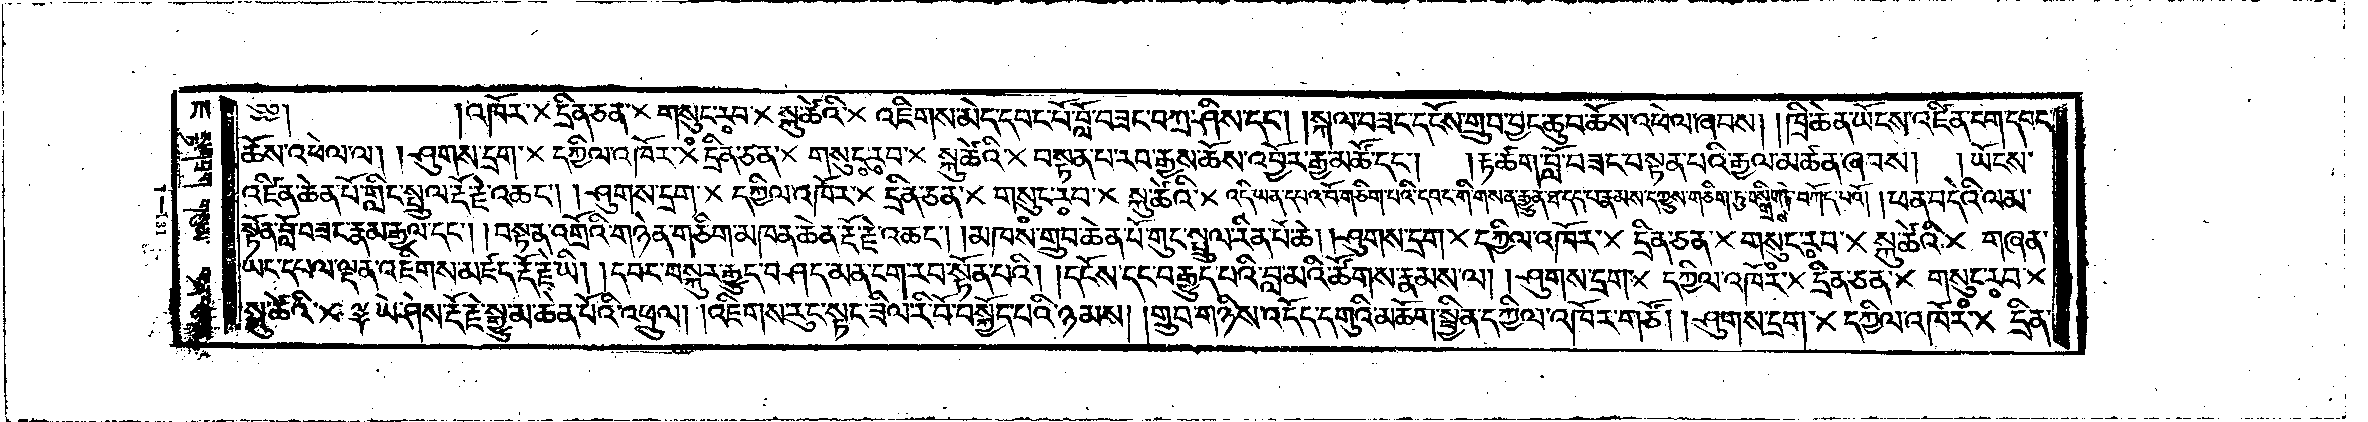༄༅། །འཁོར་྾་དྲིན་ཅན་྾་གསུང྾་རབ྾་྾་སྐུ་ཚེའི་྾་འཇིགས་མེད་དབང་པོ་བློ་བཟང་བཀྲ་ཤིས་དང་། །སྐལ་བཟང་དངོས་གྲུབ་བྱང་ཆུབ་ཆོས་འཕེལ་ཞབས། །ཁྲི་ཆེན་ཡོངས་འཛིན་ངག་དབང་
ཆོས་འཕེལ་ལ། །ཤུགས་དྲག་྾་དཀྱིལ་འཁོར་྾་དྲིན་ཅན་྾་གསུང྾་རབ྾་྾་སྐུ་ཚེའི་྾་བསྟན་པ་རབ་རྒྱས་ཆོས་འབྱོར་རྒྱ་མཚོ་དང་། །རྟ་ཚག་བློ་བཟང་བསྟན་པའི་རྒྱལ་མཚན་ཞབས། །ཡོངས་
འཛིན་ཆེན་པོ་གླིང་སྤྲུལ་རྡོ་རྗེ་འཆང་། །ཤུགས་དྲག་྾་དཀྱིལ་འཁོར་྾་དྲིན་ཅན་྾་གསུང྾་རབ྾་྾་སྐུ་ཚེའི་྾་འདི་ཡན་དཔའ་བོ་གཅིག་པའི་དབང་གི་གསན་རྒྱུན་ཐ་དད་པ་རྣམས་དཀྱུས་གཅིག་ཏུ་བསྒྲིབ་ཏེ་བཀོད་པའོ།  །ཕན་བདེའི་ལམ་
སྟོན་བློ་བཟང་རྣམ་རྒྱལ་དང་། །བསྟན་འགྲོའི་གཉེན་གཅིག་མཁན་ཆེན་རྡོ་རྗེ་འཆང་། །མཁས་གྲུབ་ཆེན་པོ་གུང་སྤྲུལ་རིན་པོ་ཆེ། །ཤུགས་དྲག་྾་དཀྱིལ་འཁོར་྾་དྲིན་ཅན་྾་གསུང྾་རབ྾་྾་སྐུ་ཚེའི་྾་གཞན་
ཡང་དཔལ་ལྡན་འཇིགས་མཛད་རྡོ་རྗེ་ཡི། །དབང་བསྐུར་རྒྱུད་བཤད་མན་ངག་རབ་སྟོན་པའི། །དངོས་དང་བརྒྱུད་པའི་བླ་མའི་ཚོགས་རྣམས་ལ། །ཤུགས་དྲག་྾་དཀྱིལ་འཁོར་྾་དྲིན་ཅན་྾་གསུང྾་རབ྾་྾་
སྐུ་ཚེའི་྾་༈ ཡེ་ཤེས་རྡོ་རྗེ་སྒྱུ་མ་ཆེན་བོའི་འཕྲུལ། །འཇིགས་རུང་སྟང་ཟིལ་རི་བོ་བསྐྱོད་པའི་ཉམས། །གྲུབ་གཉིས་འདོད་དགུའི་མཆོག་སྦྱིན་དཀྱིལ་འཁོར་གཙོ། །ཤུགས་དྲག་྾་དཀྱིལ་འཁོར་྾་དྲིན་